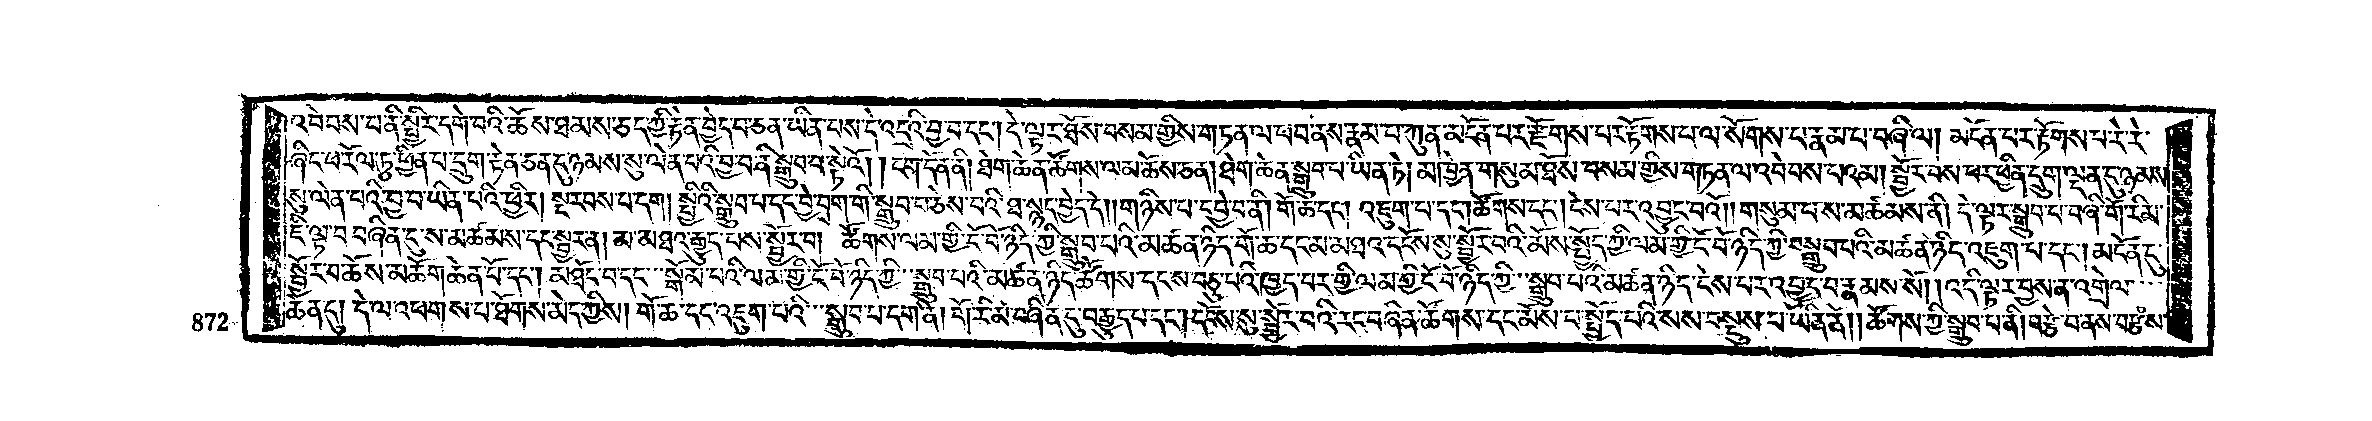འབེབས་པ་ནི་སྤྱིར་དགེ་བའི་ཆོས་ཐམས་ཅད་ཀྱི་རྟེན་བྱེད་པ་ཅན་ཡིན་པས་དེ་འདྲའི་བྱ་བ་དང་། དེ་ལྟར་ཐོས་བསམ་གྱིས་གཏན་ལ་ཕབ་ནས་རྣམ་པ་ཀུན་མངོན་པར་རྫོགས་པར་རྟོགས་པ་ལ་སོགས་པ་རྣམ་པ་བཞི་ལ། མངོན་པར་རྟོགས་པ་རེ་རེ་
ཞིང་ཕ་རོལ་ཏུ་ཕྱིན་པ་དྲུག་རྟེན་ཅན་དུ་ཉམས་སུ་ལེན་པའི་བྱ་བ་ནི་སྒྲུབ་པ་སྟེའོ། །ངག་དོན་ནི། ཐེག་ཆེན་ཚོགས་ལམ་ཆོས་ཅན། ཐེག་ཆེན་སྒྲུབ་པ་ཡིན་ཏེ། མཁྱེན་གསུམ་ཐོས་བསམ་གྱིས་གཏན་ལ་འབེབས་པའམ། སྦྱོར་བས་ཕར་ཕྱིན་དྲུག་ལྡན་དུ་ཉམས་
སུ་ལེན་པའི་བྱ་བ་ཡིན་པའི་ཕྱིར། སྔ་རབས་པ་དག །སྤྱིའི་སྒྲུབ་པ་དང་བྱེ་བྲག་གི་སྒྲུབ་པ་ཅེས་པའི་ཐ་སྙད་བྱེད་དེ། །གཉིས་པ་དབྱེ་བ་ནི། གོ་ཆ་དང་། འཇུག་པ་དང་། ཚོགས་དང་། ངེས་པར་འབྱུང་བའོ། །གསུམ་པ་ས་མཚམས་ནི། དེ་ལྟར་སྒྲུབ་པ་བཞི་གོ་རིམ་
ཇི་ལྟ་བ་བཞིན་དུ་ས་མཚམས་དང་སྦྱར་ན། མ་མཐའ་རྒྱུད་པས་སྦྱོར་བ། ཚོགས་ལམ་གྱི་ངོ་བོ་ཉིད་ཀྱི་སྒྲུབ་པའི་མཚན་ཉིད་གོ་ཆ་དང་མ་མཐའ་དངོས་སུ་སྦྱོར་བའི་མོས་སྤྱོད་ཀྱི་ལམ་གྱི་ངོ་བོ་ཉིད་ཀྱི་བསྒྲུབ་པའི་མཚན་ཉིད་འཇུག་པ་དང་། མངོན་དུ་
སྦྱོར་བ་ཆོས་མཆོག་ཆེན་པོ་དང་། མཐོང་བ་དང་སྒོམ་པའི་ལམ་གྱི་ངོ་བོ་ཉིད་ཀྱི་སྒྲུབ་པའི་མཚན་ཉིད་ཚོགས་དང་ས་བཅུ་པའི་ཁྱད་པར་ཀྱི་ལམ་གྱི་ངོ་བོ་ཉིད་ཀྱི་སྒྲུབ་པའི་མཚན་ཉིད་ངེས་པར་འབྱུང་བ་རྣམས་སོ། །འདི་ལྟར་བྱས་ན་འགྲེལ་
ཆེན་དུ། དེ་ལ་འཕགས་པ་ཐོགས་མེད་ཀྱིས། གོ་ཆ་དང་འཇུག་པའི་སྒྲུབ་པ་དག་ནི། གོ་རིམ་བཞིན་དུ་བརྒྱུད་པ་དང་། དངོས་སུ་སྦྱོར་བའི་རང་བཞིན་ཚོགས་དང་མོས་པ་སྤྱོད་པའི་སས་བསྡུས་པ་ཡིན་ནོ། །ཚོགས་ཀྱི་སྒྲུབ་པ་ནི། བརྩེ་བ་ནས་བརྩམས་